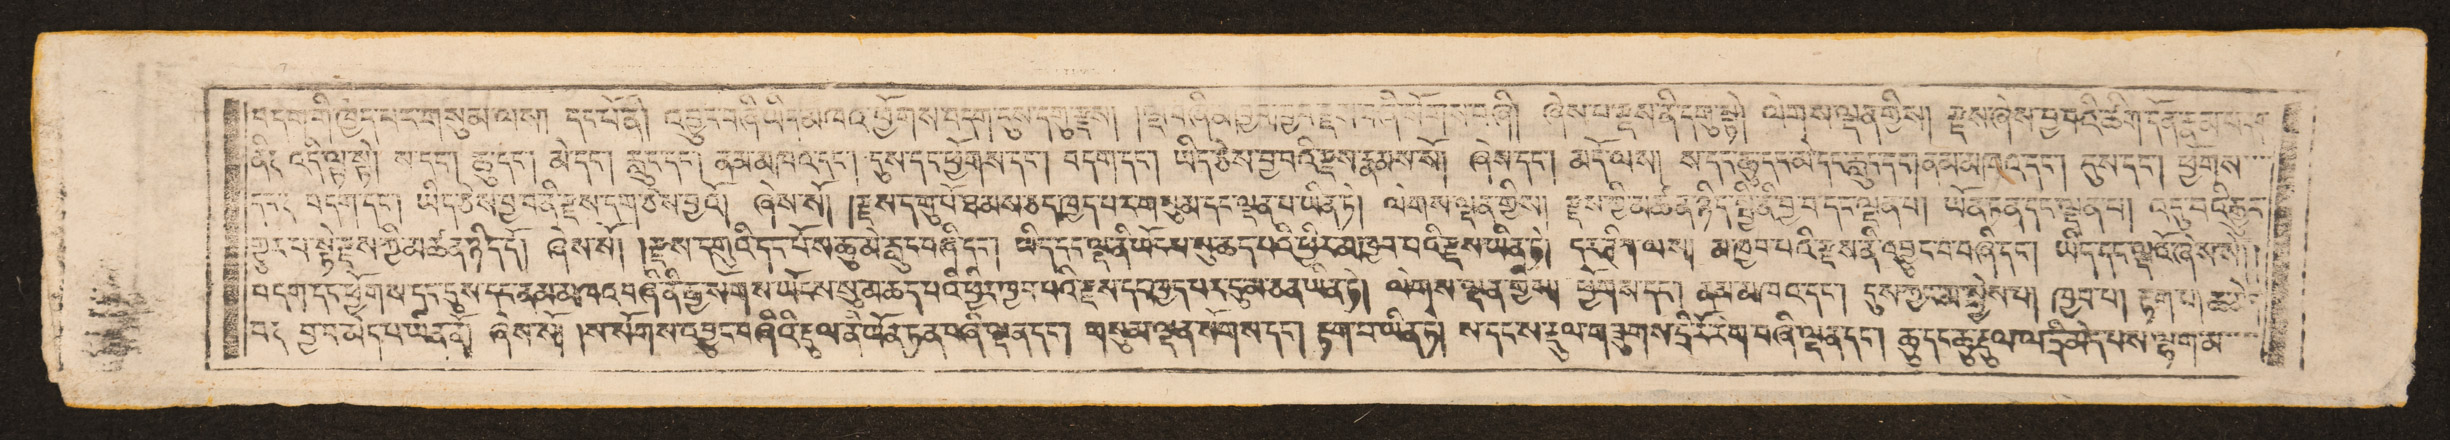བདག་གི་ཁྱད་པར་གསུམ་ལས། །དང་པོ་ནི། །འབྱུང་བཞི་ཡིད་མཁའ་ཕྱོགས་བདག་དུས་དགུ་རྫས། །ལྔ་བཞི་མ་ཁྱབ་ཁྱབ་རྫས་བཞི་སོགས་བཞི། །ཞེས་པ་རྫས་ནི་དགུ་སྟེ། །ལེགས་ལྡན་གྱིས། །རྫས་ཞེས་བྱ་བའི་ཚིག་དོན་རྣམ་པ་དགུ་
ནི༑ འདི་ལྟ་སྟེ། །ས་དང་། །ཆུ་དང་། །མེ་དང་། །རླུང་དང་། །ནམ་མཁའ་དང་། །དུས་དང་ཕྱོགས་དང་། །བདག་དང་། །ཡིད་ཅེས་བྱ་བའི་རྫས་རྣམས་སོ། །ཞེས་དང་། །མདོ་ལས། །ས་དང་ཆུ་དང་མེ་དང་རླུང་དང་། ནམ་མཁའ་དང་། །དུས་དང་། །ཕྱོགས་
དང༑ བདག་དང་། །ཡིད་ཅེས་བྱ་བ་ནི་རྫས་དག་ཅེས་བྱའོ། །ཞེས་སོ། །རྫས་དགུ་བོ་ཐམས་ཅད་ཁྱད་པར་གསུམ་དང་ལྡན་པ་ཡིན་ཏེ། །ལེགས་ལྡན་གྱིས། །རྫས་ཀྱི་མཚན་ཉིད་སྤྱི་ནི་བྱ་བ་དང་ལྡན་པ། །ཡོན་ཏན་དང་ལྡན་པ། །འདུ་བའི་རྒྱུར་
གྱུར་བ་སྟེ་རྫས་ཀྱི་མཚན་ཉིད་དོ། །ཞེས་སོ། །རྫས་དགུའི་དང་པོ་ས་ཆུ་མེ་རླུང་བཞི་དང་། །ཡིད་དང་ལྔ་ནི་ཡོངས་སུ་ཆད་པའི་ཕྱིར་མ་ཁྱབ་པའི་རྫས་ཡིན་ཏེ། །དང་ཊིཀ་ལས། །མ་ཁྱབ་པའི་རྫས་ནི་འབྱུང་བ་བཞི་དང་། །ཡིད་དང་ལྔའོ་ཞེས་སོ།།
བདག་དང་ཕྱོགས་དང་དུས་དང་ནམ་མཁའ་བཞི་ནི་རྒྱ་སོགས་ཡོངས་སུ་མ་ཆད་པའི་ཕྱིར་ཁྱབ་པའི་རྫས་དང་ཁྱད་པར་དུ་མ་ཅན་ཡིན་ཏེ་།ལེགས་ལྡན་གྱིས། །ཕྱོགས་དང་། །ནམ་མཁའ་དང་། །དུས་ཀྱང་མ་སྐྱེས་པ། །ཁྱབ་པ། །རྟག་པ། ཆ་མེད་
བ༑ བྱ་བ་མེད་པ་ཡིན་ནོ། །ཞེས་སོ། །ས་སོགས་འབྱུང་བཞིའི་རྡུལ་ནི་ཡོན་ཏན་བཞི་ལྡན་དང་། །གསུམ་ལྡན་སོགས་དང་། །རྟག་པ་ཡིན་ཏེ། །ས་དང་ས་རྡུལ་གཟུགས་དྲི་རོ་རེག་བཞི་ལྡན་དང་། །ཆུ་དང་ཆུ་རྡུལ་ལ་དྲི་མེད་བས་ལྷག་མ་